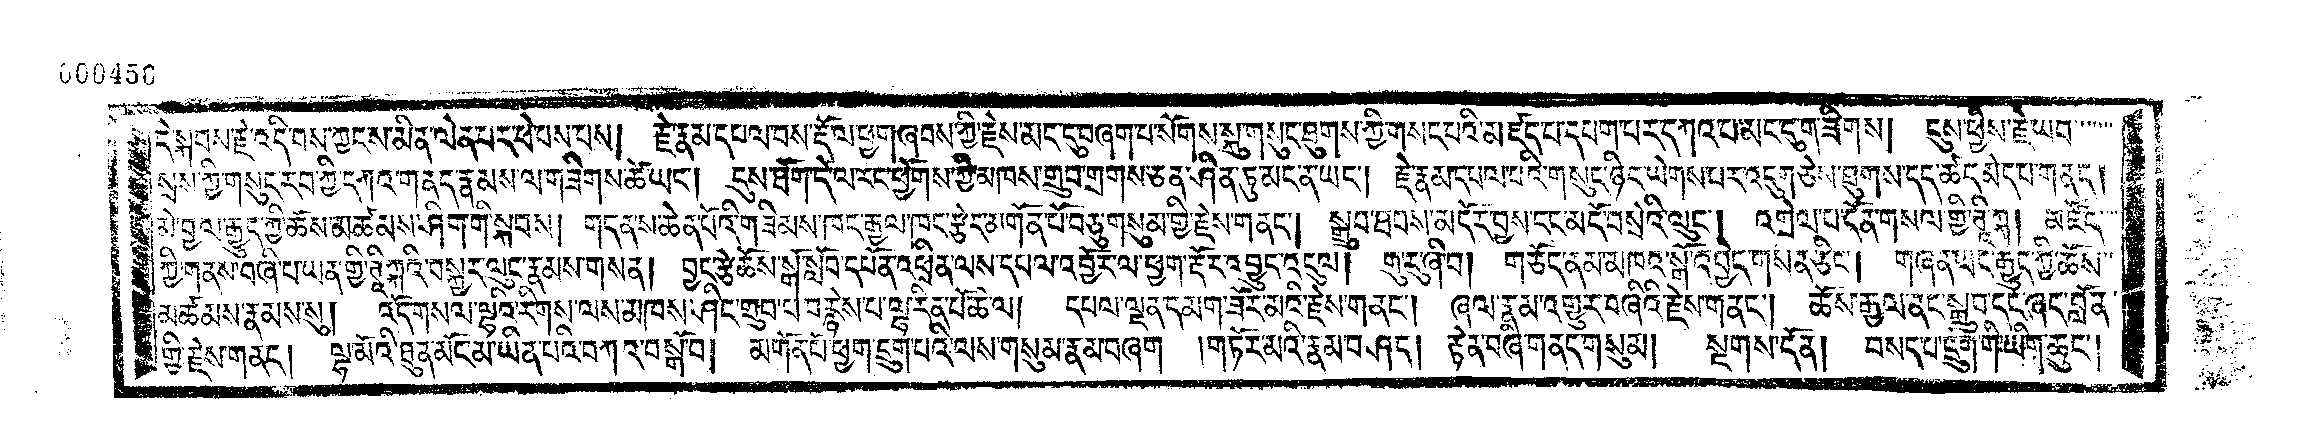དེ་སྐབས་རྗེ་འདི་བས་ཀྱང་ས་མིན་ལེན་པར་ཕེབས་པས། རྗེ་རྣམ་དཔལ་བས་རྡོ་ལ་ཕྱག་ཞབས་ཀྱི་རྗེས་མང་དུ་བཞག་པ་སོགས་སྐུ་གསུང་ཐུགས་ཀྱི་གསང་བའི་མཛད་པ་དཔག་པར་དཀའ་པ་མང་དུ་གཟིགས། དུས་ཕྱིས་རྗེ་ཡབ་
སྲས་ཀྱི་གསུང་རབ་ཀྱི་དཀའ་གནད་རྣམས་ལ་གཟིགས་ཚེ་ཡང་། དུས་ཐོག་དེ་ལ་རང་ཕྱོགས་ཀྱི་མཁས་གྲུབ་གྲགས་ཅན་ཤིན་ཏུ་མང་ན་ཡང་། རྗེ་རྣམ་དཔལ་པའི་གསུང་ཉིད་ལེགས་པར་འདུག་ཅེས་ཐུགས་དང་ཚང་མེད་པ་གནང་།
མེ་བྱ་ལ་རྒྱུད་ཀྱི་ཆོས་མཚམས་ཤིག་གི་སྐབས། གདན་ས་ཆེན་པོའི་གཟིམས་ཁང་རྒྱལ་ཁང་རྩེར་མགོན་པོ་བཅུ་གསུམ་གྱི་རྗེས་གནང་། སྒྲུབ་ཐབས་མདོར་བྱས་དང་མདོ་བསྲེའི་ལུང་། འགྲེལ་པ་དོན་གསལ་གྱི་ཊཱིཀྐ། མཛོད་
ཀྱི་གནས་བཞི་པ་ཡན་གྱི་ཊཱིཀྐའི་བསྐྱར་ལུང་རྣམས་གསན། བྱང་རྩེ་ཆོས་སྒོ་སློབ་དཔོན་འཕྲིན་ལས་དཔལ་འབྱོར་ལ་ཕྱག་རྡོར་འབྱུང་འདུལ། གུ་རུ་ཞི་བ། གཅོད་ནམ་མཁའ་སྒོ་འབྱེད་གསན་ཅིང་། གཞན་ཡང་རྒྱུད་ཀྱི་ཆོས་
མཚམས་རྣམས་སུ། འོད་གསལ་ལྷའི་རིགས་ལས་མཁས་ཤིང་གྲུབ་པ་བརྙེས་པ་ལྷ་རིན་པོ་ཆེ་ལ། དཔལ་ལྡན་དམག་ཟོར་མའི་རྗེས་གནང་། ཞལ་རྣམ་འགྱུར་བཞིའི་རྗེས་གནང་། ཆོས་རྒྱལ་ནང་སྒྲུབ་དང་ཞང་བློ་ན་
གྱི་རྗེས་གནང་། ལྷ་མོའི་ཐུན་མོང་མ་ཡིན་པའི་བཀའ་བསྒོ་བ། མགོན་པོ་ཕྱག་དྲུག་པའི་ལས་གསུམ་རྣམ་བཞག །གཏོར་མའི་རྣམ་བཤད། རྟེན་བཞི་གནད་གསུམ། སྔགས་དོན། གསང་པ་དྲུག་གི་ཡིག་ཆུང་།